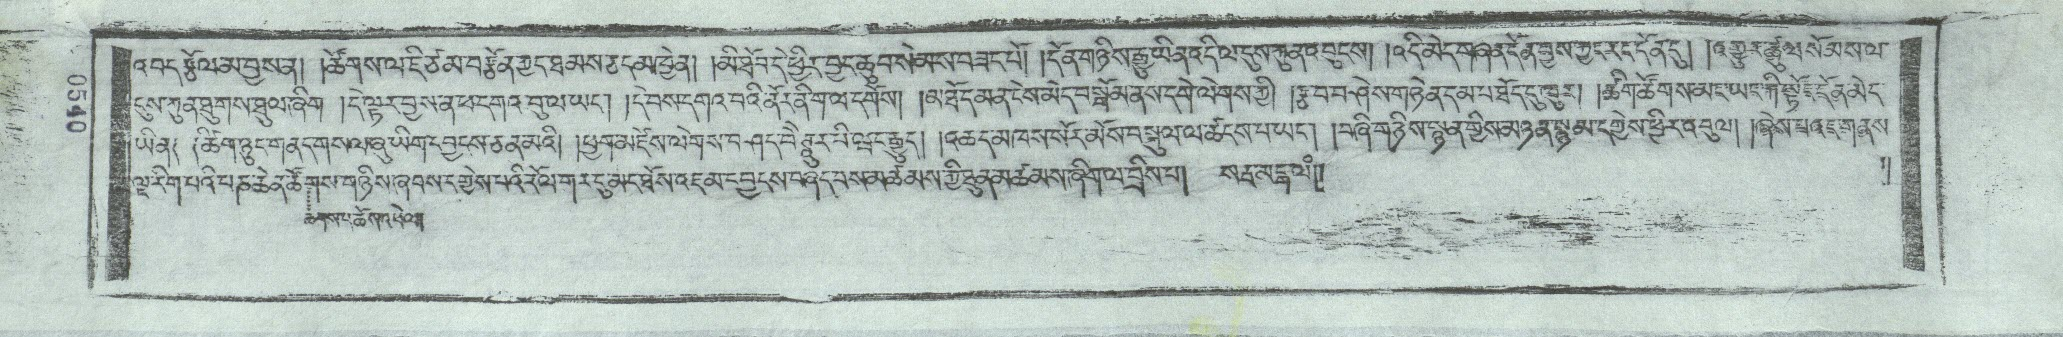འབད་རྩོལ་མ་བྱས་ན། །ཚོགས་ལ་ཇི་ཙམ་བརྩོན་ཀྱང་ཐམས་ཅད་མཁྱེན། །མི་ཐོབ་དེ་ཕྱིར་བྱང་ཆུབ་སེམས་བཟང་པོ། །དོན་གཉིས་རྒྱུ་ཡིན་འདི་ལ་དུས་ཀུན་འབུངས། །འདི་མེད་གཞན་དོན་བྱས་ཀྱང་རང་དོན་དུ། །འགྱུར་ཚུལ་སོམས་ལ་
དུས་ཀུན་ཐུགས་ཐུལ་ཞིག །དེ་ལྟར་བྱས་ན་ཕ་དགའ་བུ་ལ་ཡང་། །དེ་བས་དགའ་བའི་ནོར་ནི་ག་ལ་དགོས། །མཐོད་མན་ངེས་མེད་བསྒོམ་ནས་དགེ་ལེགས་ཀྱི། །རྩ་བ་བཤེས་གཉེན་དམ་པ་ཐོད་དུ་ཁུར། །ཚིག་ཚོགས་མང་ཡང་ཀི་སྟོང་དོན་མེད་
ཡིན༑ ༑ཚིག་ཉུང་གནད་གསལ་ཞུ་ཡིག་དབྱངས་ཅན་མའི། །ཕྱག་མཛེས་ལེགས་བཤད་བཻ་ཊཱུར་པིཝང་རྒྱུད། །འཆད་མཁས་སོར་མོས་བསྐུལ་ལ་ཚངས་པ་ཡང་། །བཞི་གཉིས་སྙན་གྱིས་མཉན་སྙམ་དགྱེས་ཕྱིར་འབུལ། །ཞེས་པའང་གནས་
ལྔ་རིག་པའི་པཎ་ཆེན་ཚོགས་ཆགས་པ་ཆོས་འཕེལ་གཉིས་ཞབས་དགྱེས་པའི་རོལ་གར་དུ་མང་ཐོས་འཇམ་དབྱངས་བཞད་པས་མཚམས་ཀྱི་ཐུན་མཚམས་ཞིག་ལ་བྲིས་པ། སརྦ་མངྒྷ་ལཾ།།